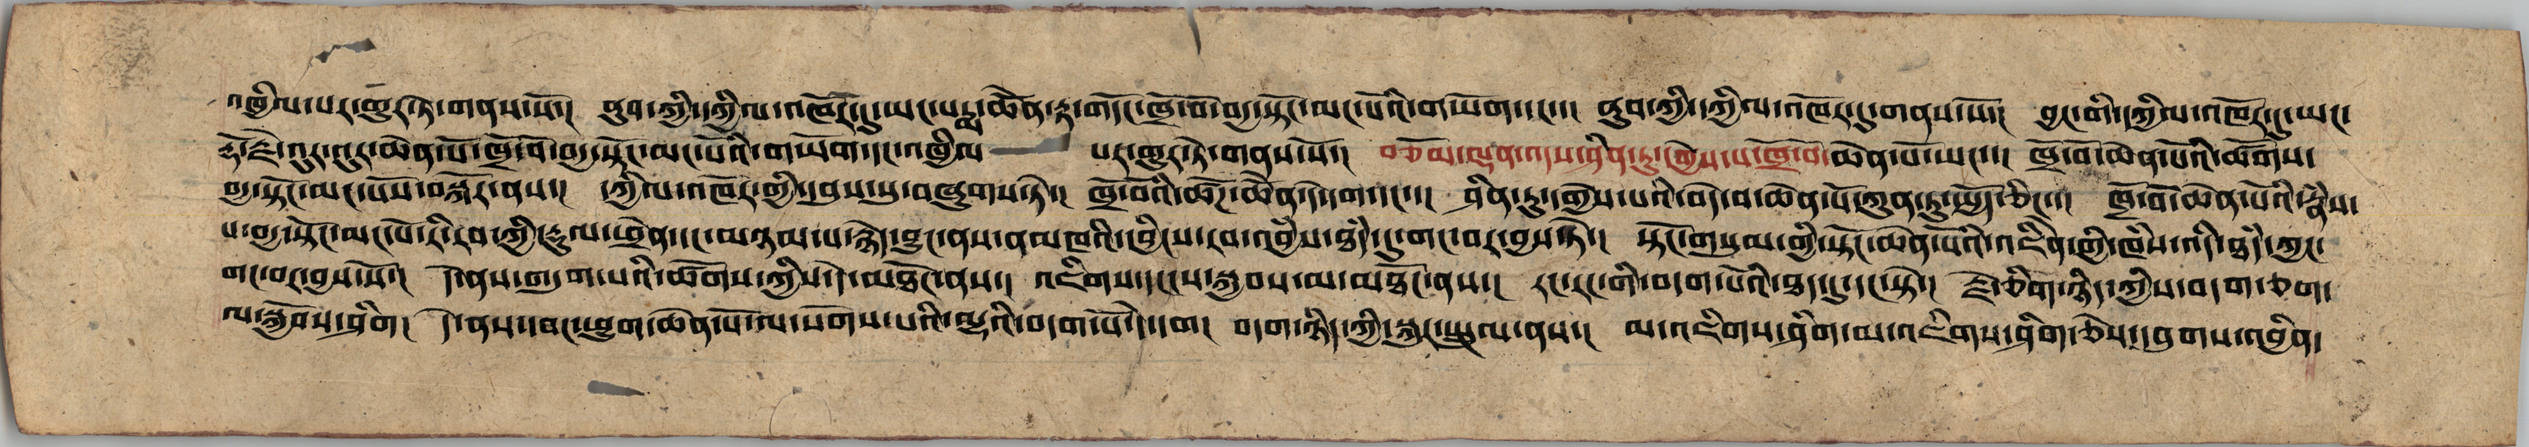འཁྱིལ་པར་གྱུར་ཏེ་གནས་སོ་། ནུབ་ཀྱི་དཀྱིལ་འཁོར་དུ་ཡང་པདྨ་ཆེནོ་རྟ་གདོང་ཁྲོ་བོ་བདྱ་སྟོང་མང་པོའི་གཡོག་དང་་། ནུབ་ཀྱི་དཀྱིལ་འཁོར་དུ་གནས་སོ་། བྱང་གི་དཀྱིལ་འཁོར་དུ་ཡང་
རྡོ་རྗེ་འུར་འུར་ཆེན་པོ་ཁྲོ་བོ་བདྱ་སྟོང་མང་པོའི་གཡོག་དང་འཁྱིལ་ པར་གྱུར་ཏེ་གནས་སོ་། བཅོམ་ལྡན་འདས་ཤིན་ཏུ་དགྱེས་པ་ཁྲོ་བོ་ཆེན་པོ་ཡང་་། ཁྲོ་བོ་ཆེན་པོའི་ཚོགས་
བདྱ་སྟོང་མང་པཽས་བསྐོར་ནས་། དཀྱིལ་འཁོར་གྱི་དབུས་སུ་བཞུགས་ཏེ་། ཁྲོ་བོའི་ཚོཌ་ཆཻོན་དེ་དག་དང་་། ཤིན་ཏུ་དགྱེས་པའི་བདེ་བ་ཆེན་པོ་ཀུན་ཏུ་སྤྱོད་ཅིང་་། ཁྲོ་བོ་ཆེན་པོའི་རྣཾས་
པ་བདྱ་སྟོང་མང་པོ་རི་རབ་ཀྱི་རྡུལ་ཕྲེན་དང་མཉམ་པ་རྙེད་བྱུང་ནས་ནམཁའི་དབྱིངས་རབ་འབྱཾས་ཐཾད་དུ་གང་བར་བྱས་ཏེ་། སྟོང་གསུམ་གྱི་སྟོང་ཆེན་པོའི་འཇིེན་གྱི་ཁཾས་འདི་ཐཾད་ཀྱང་
གང་བར་བྱས་སོ་། དེ་ནས་གདུག་པའི་ཚོགས་ཀྱིས་དེ་མཐོང་ནས་། འཇིགས་དངངས་སྐྱབས་མ་མཐོང་ནས་། རང་རང་གི་བདག་པོའི་ཐད་དུ་དང་སྟེ་། རྗེ་ཅིག་ཉིད་ཀྱིས་བདག་ཅག་
ལ་སྐྱོབས་ཤིག། དེ་ནས་དབང་ཕྱུག་ཆེན་པོ་ལ་སོགས་པའི་ལྷའི་བདག་པོ་དེ་དག། བདག་ཉིད་ཀྱི་སྐུར་སྤྲུལ་ནས་། མ་འཇིགས་ཤིག་མ་འཇིགས་ཤིག་ཅེས་དབུགས་འབྱིན་